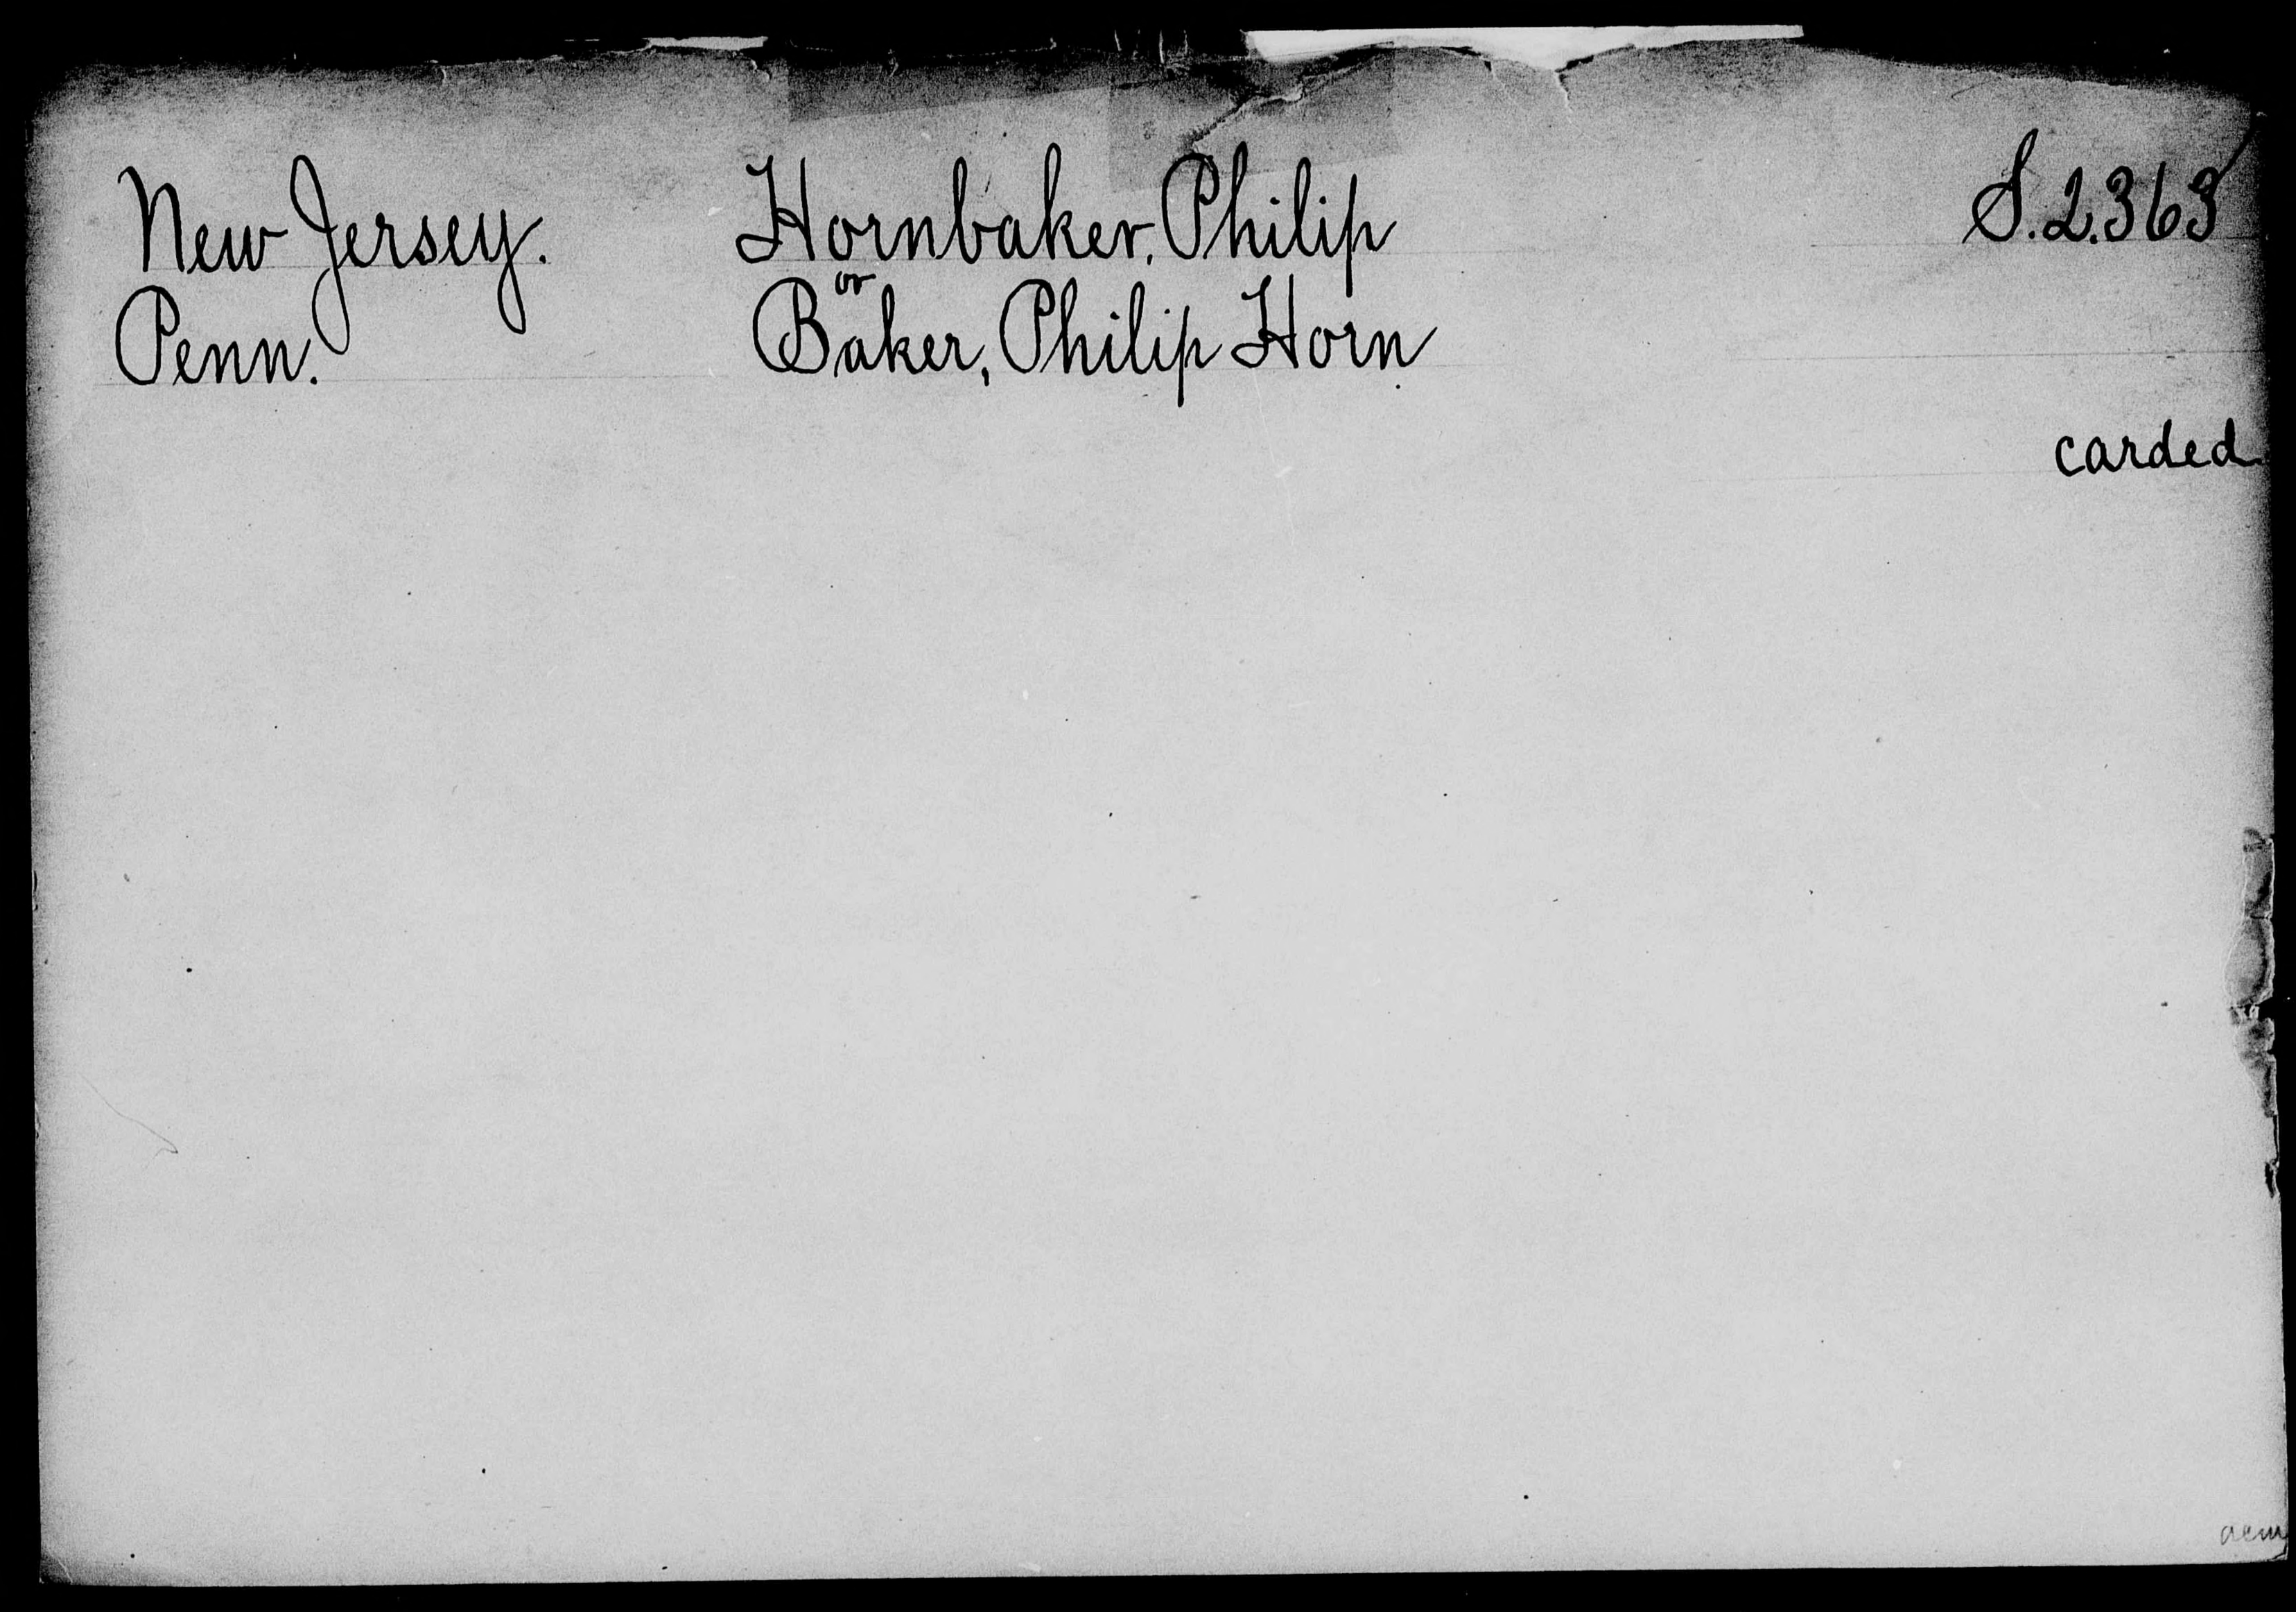New Jersey.
Penn.

Hornbaker, Philip
or
Baker, Philip Horn

S.2.363

carded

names: Philip Horn Baker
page: 1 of 1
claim: survivor's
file: S. 2,363, Philip Hornbaker, New Jersey Penn.